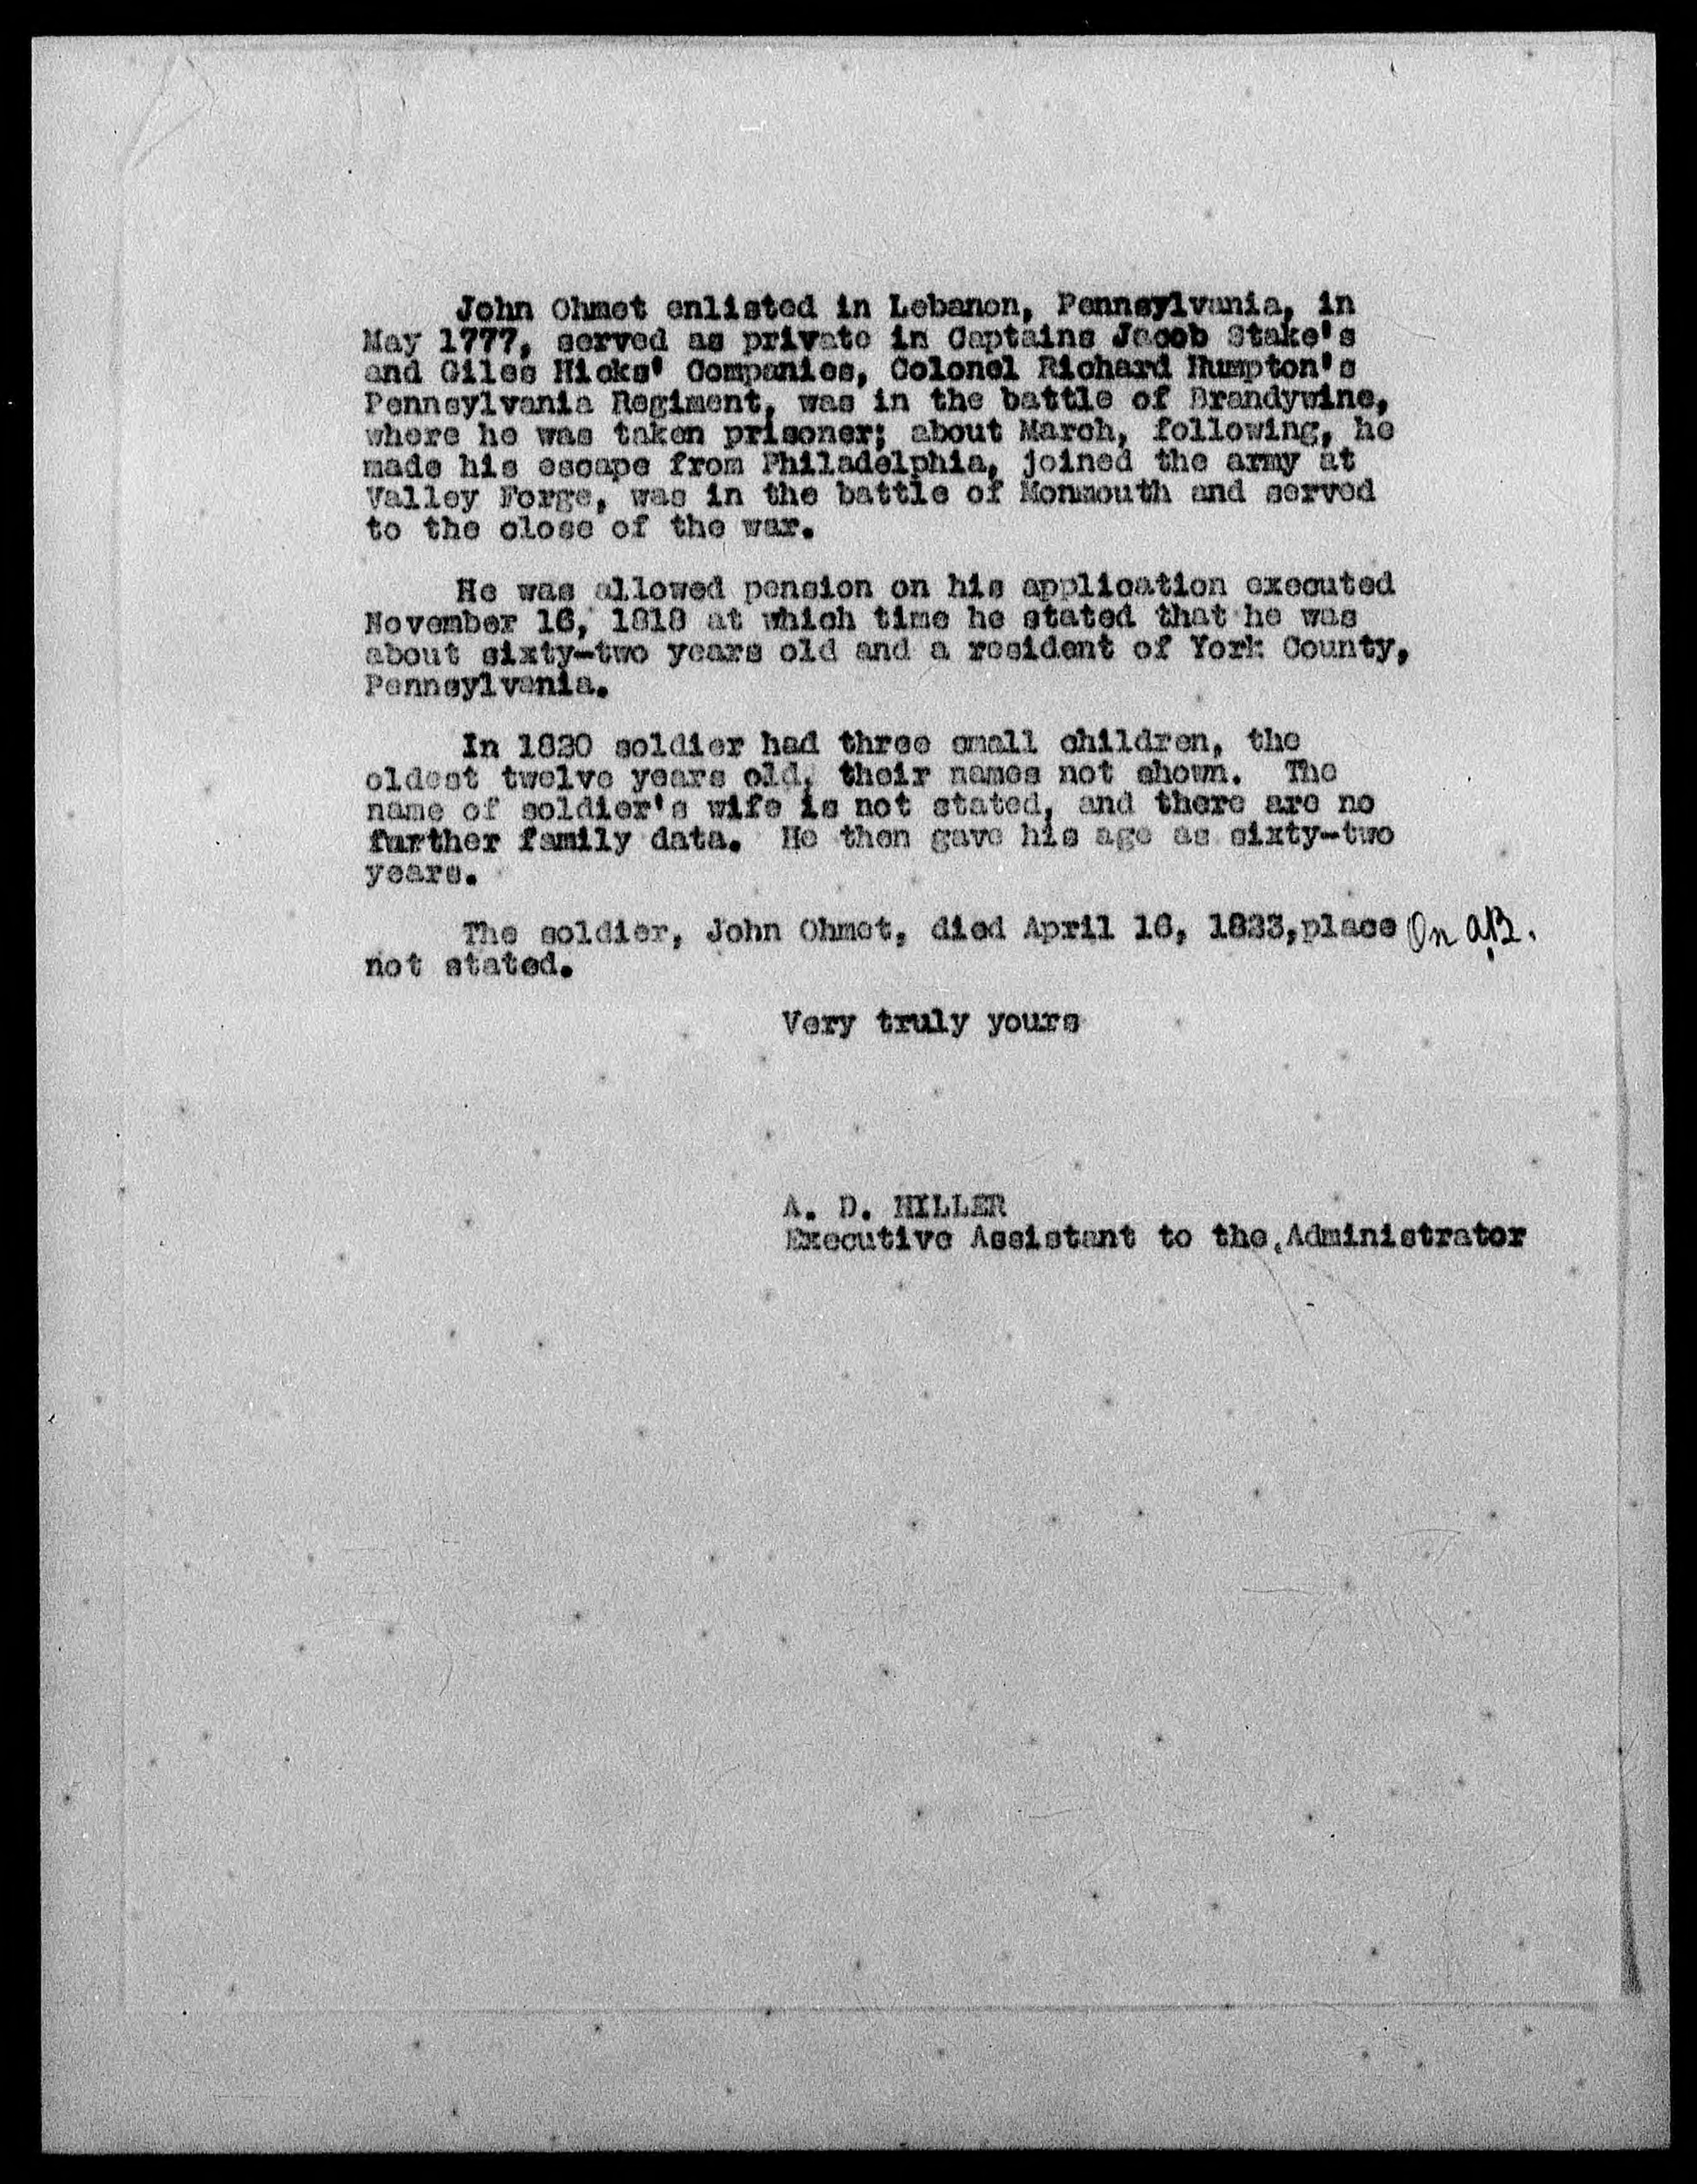John Ohmet enlisted in Lebanon, Pennsylvania, in May 1777, served as private in Captain Jacob Stake's and Gilee Hick's Companies, Colonel Richard Humpton's Pennsylvania Regiment, was in the battle of Brandywine, where he was taken prisoner; about March, following, he made his escape from Philadelphia, joined the army at Valley Forge, was in the battle of Monmouth and served to the close of the war.

He was Allowed pension on his application executed November 16, 1818 at which time he stated that he was about sixty-two years old and a resident of York County, Pennsylvania.

In 1820 soldier had three small children, the oldest twelve years old, their names not shown.  The name of soldier's wife is not stated, and there are no further family data.  He then gave his age as sixty-two years.

The soldier, John Ohmet, died April 16, 1833, place not stated.     On A.B. 

                             Very truly yours,

                              A.D. Hiller
        Executive Assistant to the Administrator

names: John Ohmet; A D Hiller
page: 12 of 13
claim: survivor's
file: S. 39,800, for David Kerbaugh, Pennsylvania